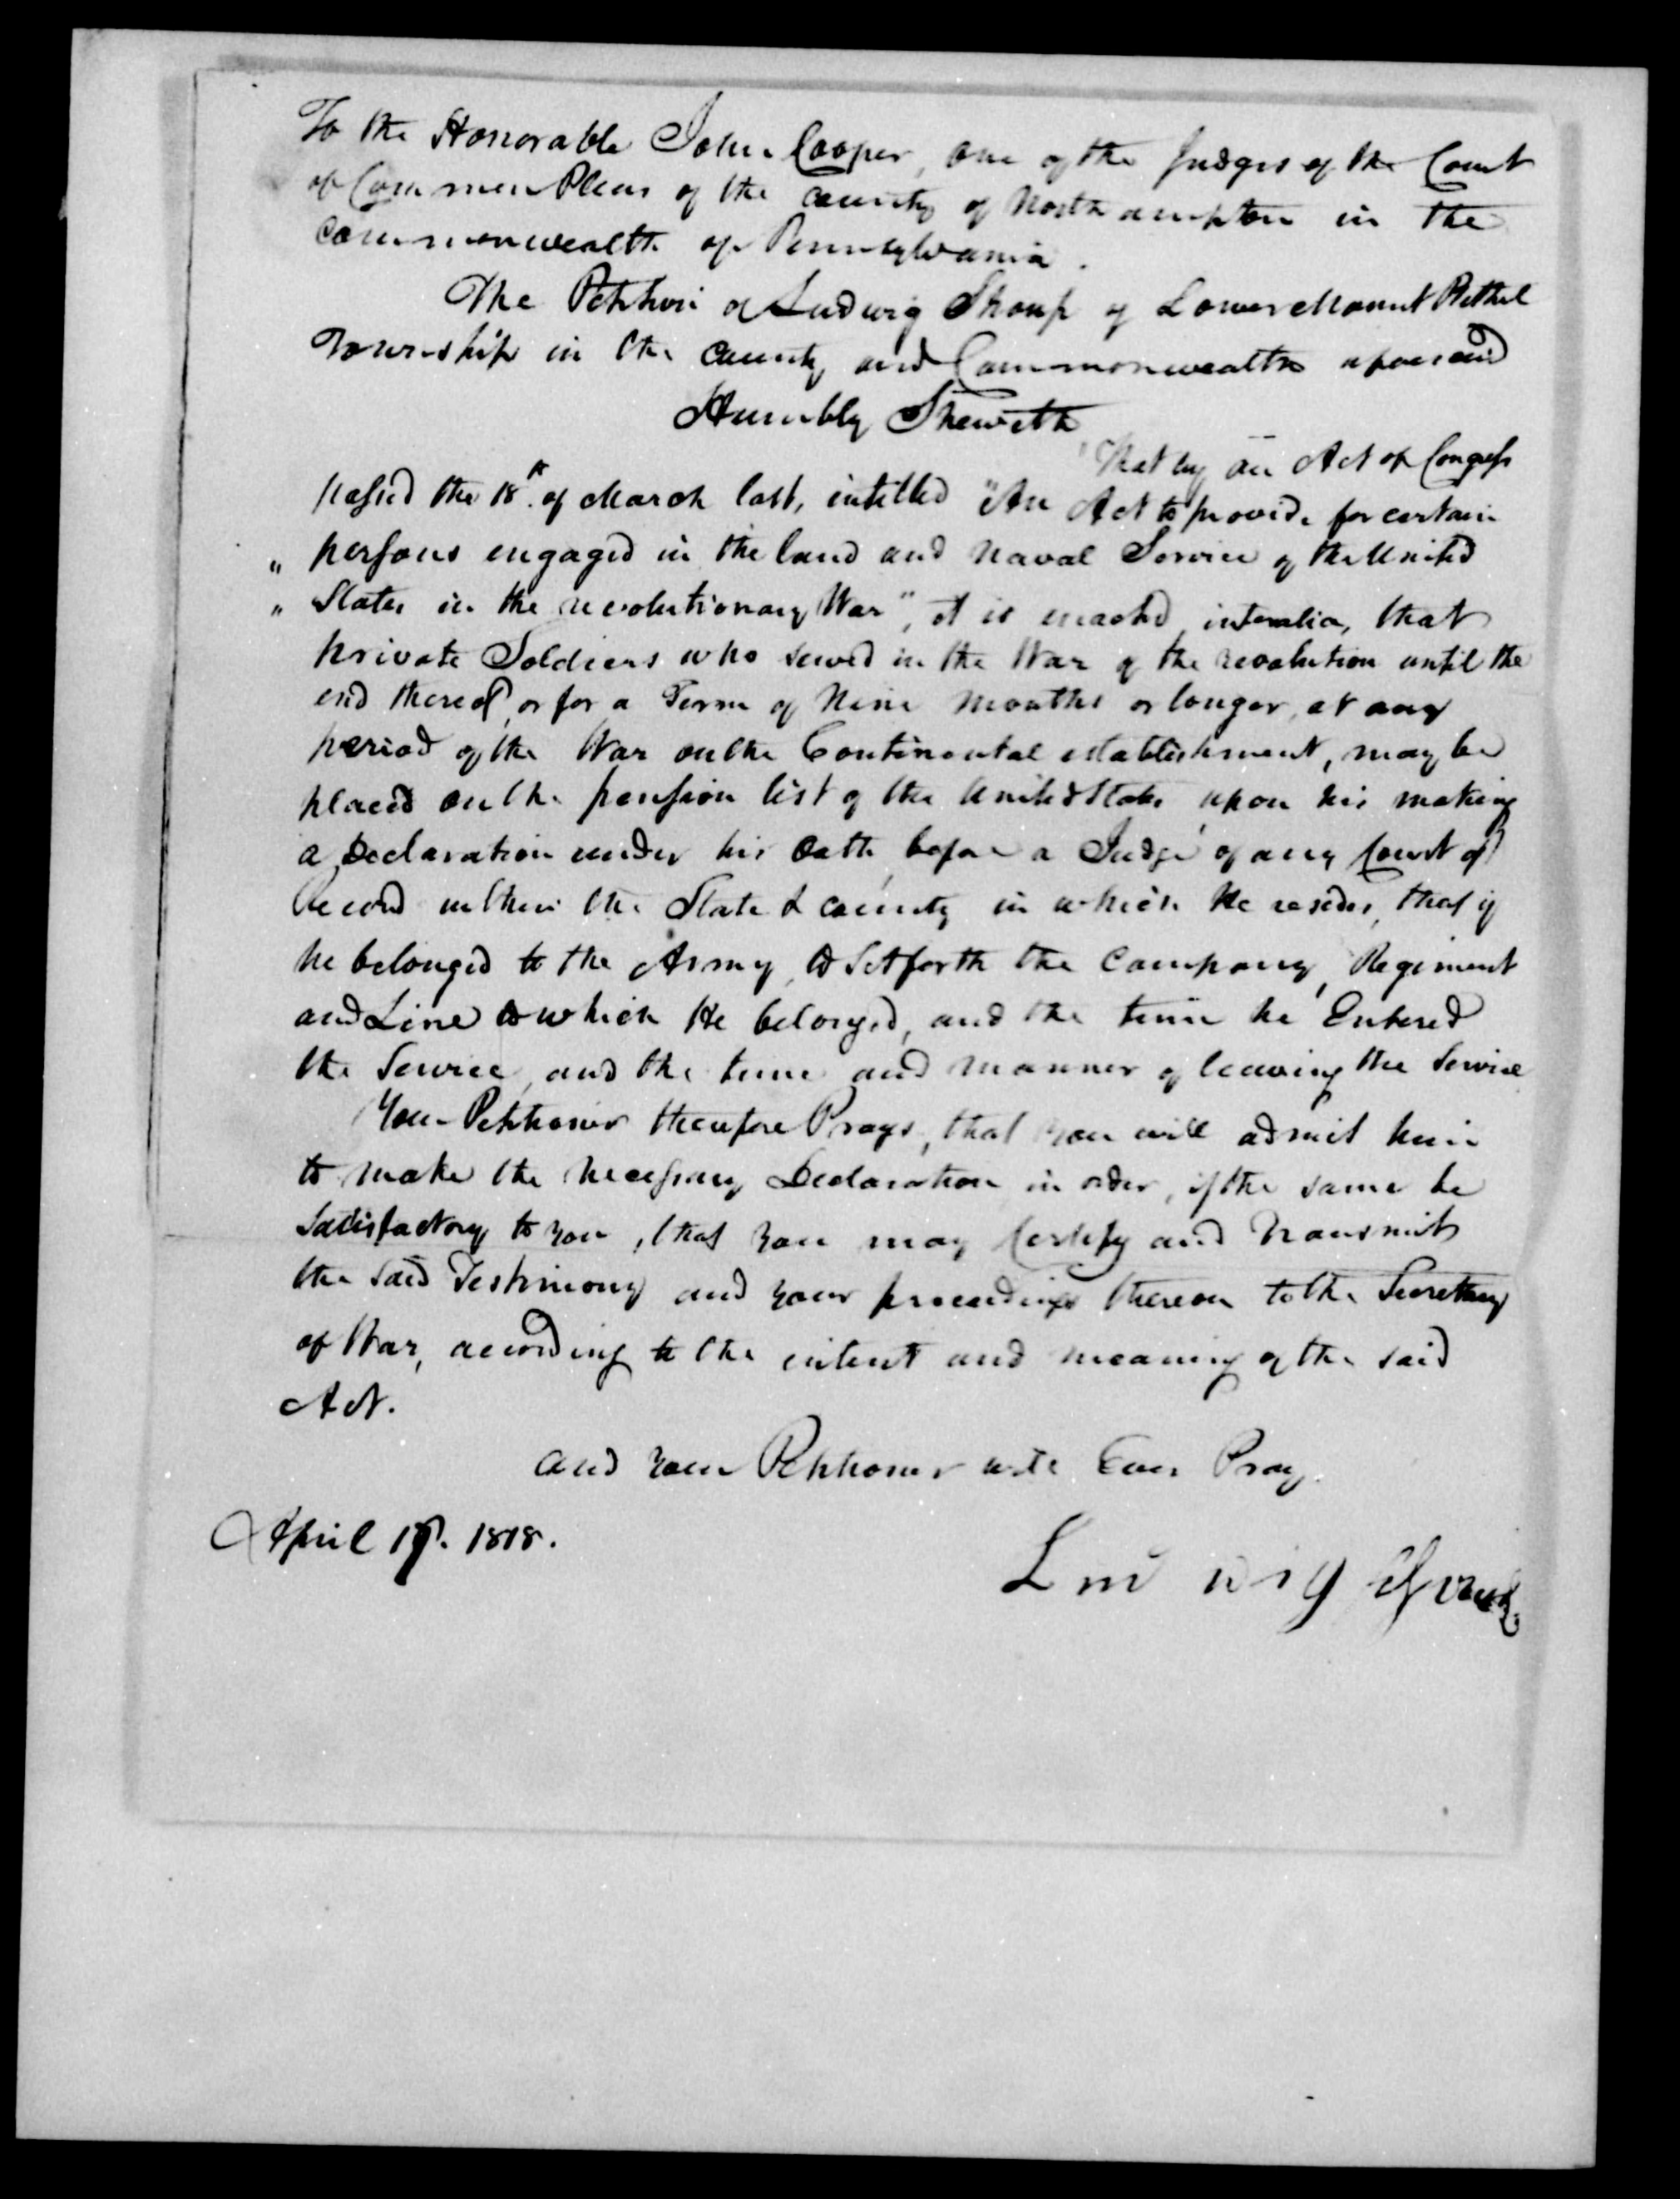To the Honorable John Cooper, one of the Judges of the Court of Common Pleas of the County of Northampton in the Commonwealth of Pennsylvania.

The Petition of Ludwig Shoup of Lower Mount Bethel Township in the county and Commonwealth aforesaid Humbly Sheweth

That by an Act of Congress passed the 18th of March last, entitled "An Act ot provide for certain persons engaged in the land and naval Service of the United States in the revolutionary War" it is enacted i(illegible) that private Soldiers who served in the War of the revolution until the end thereof or for a Term of nine months or longer at any period of the War on the Continental establishment, may be placed on the pension list of the United States upon his making a Declaration under his oath before a Judge of any Court of Record withing the State & county in which he resides, that if he belonged to the Army to set forth the Company, Regiment and Line to which he belonged, and the time he entered the Service and the time  and manner of leaving the Service. 
Your Petitioner therefore Prays, that you will admit him to make the necessary Declaration in order if the same be satisfactory to you, (that you may Certify and transmit the said Testimony and your proceeding thereon to the Secretary of War, according to the intent and meaning of the said Act. 

And your Petitioner will Ever Pray
(Signed) Ludwig Shoup

April 17. 1818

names: Ludwig Shoup; John Cooper; Ludwig Shoup; Hambly Shewitz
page: 17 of 19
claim: survivor's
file: S. 40410, for Ludwig Shoup, Pennsylvania